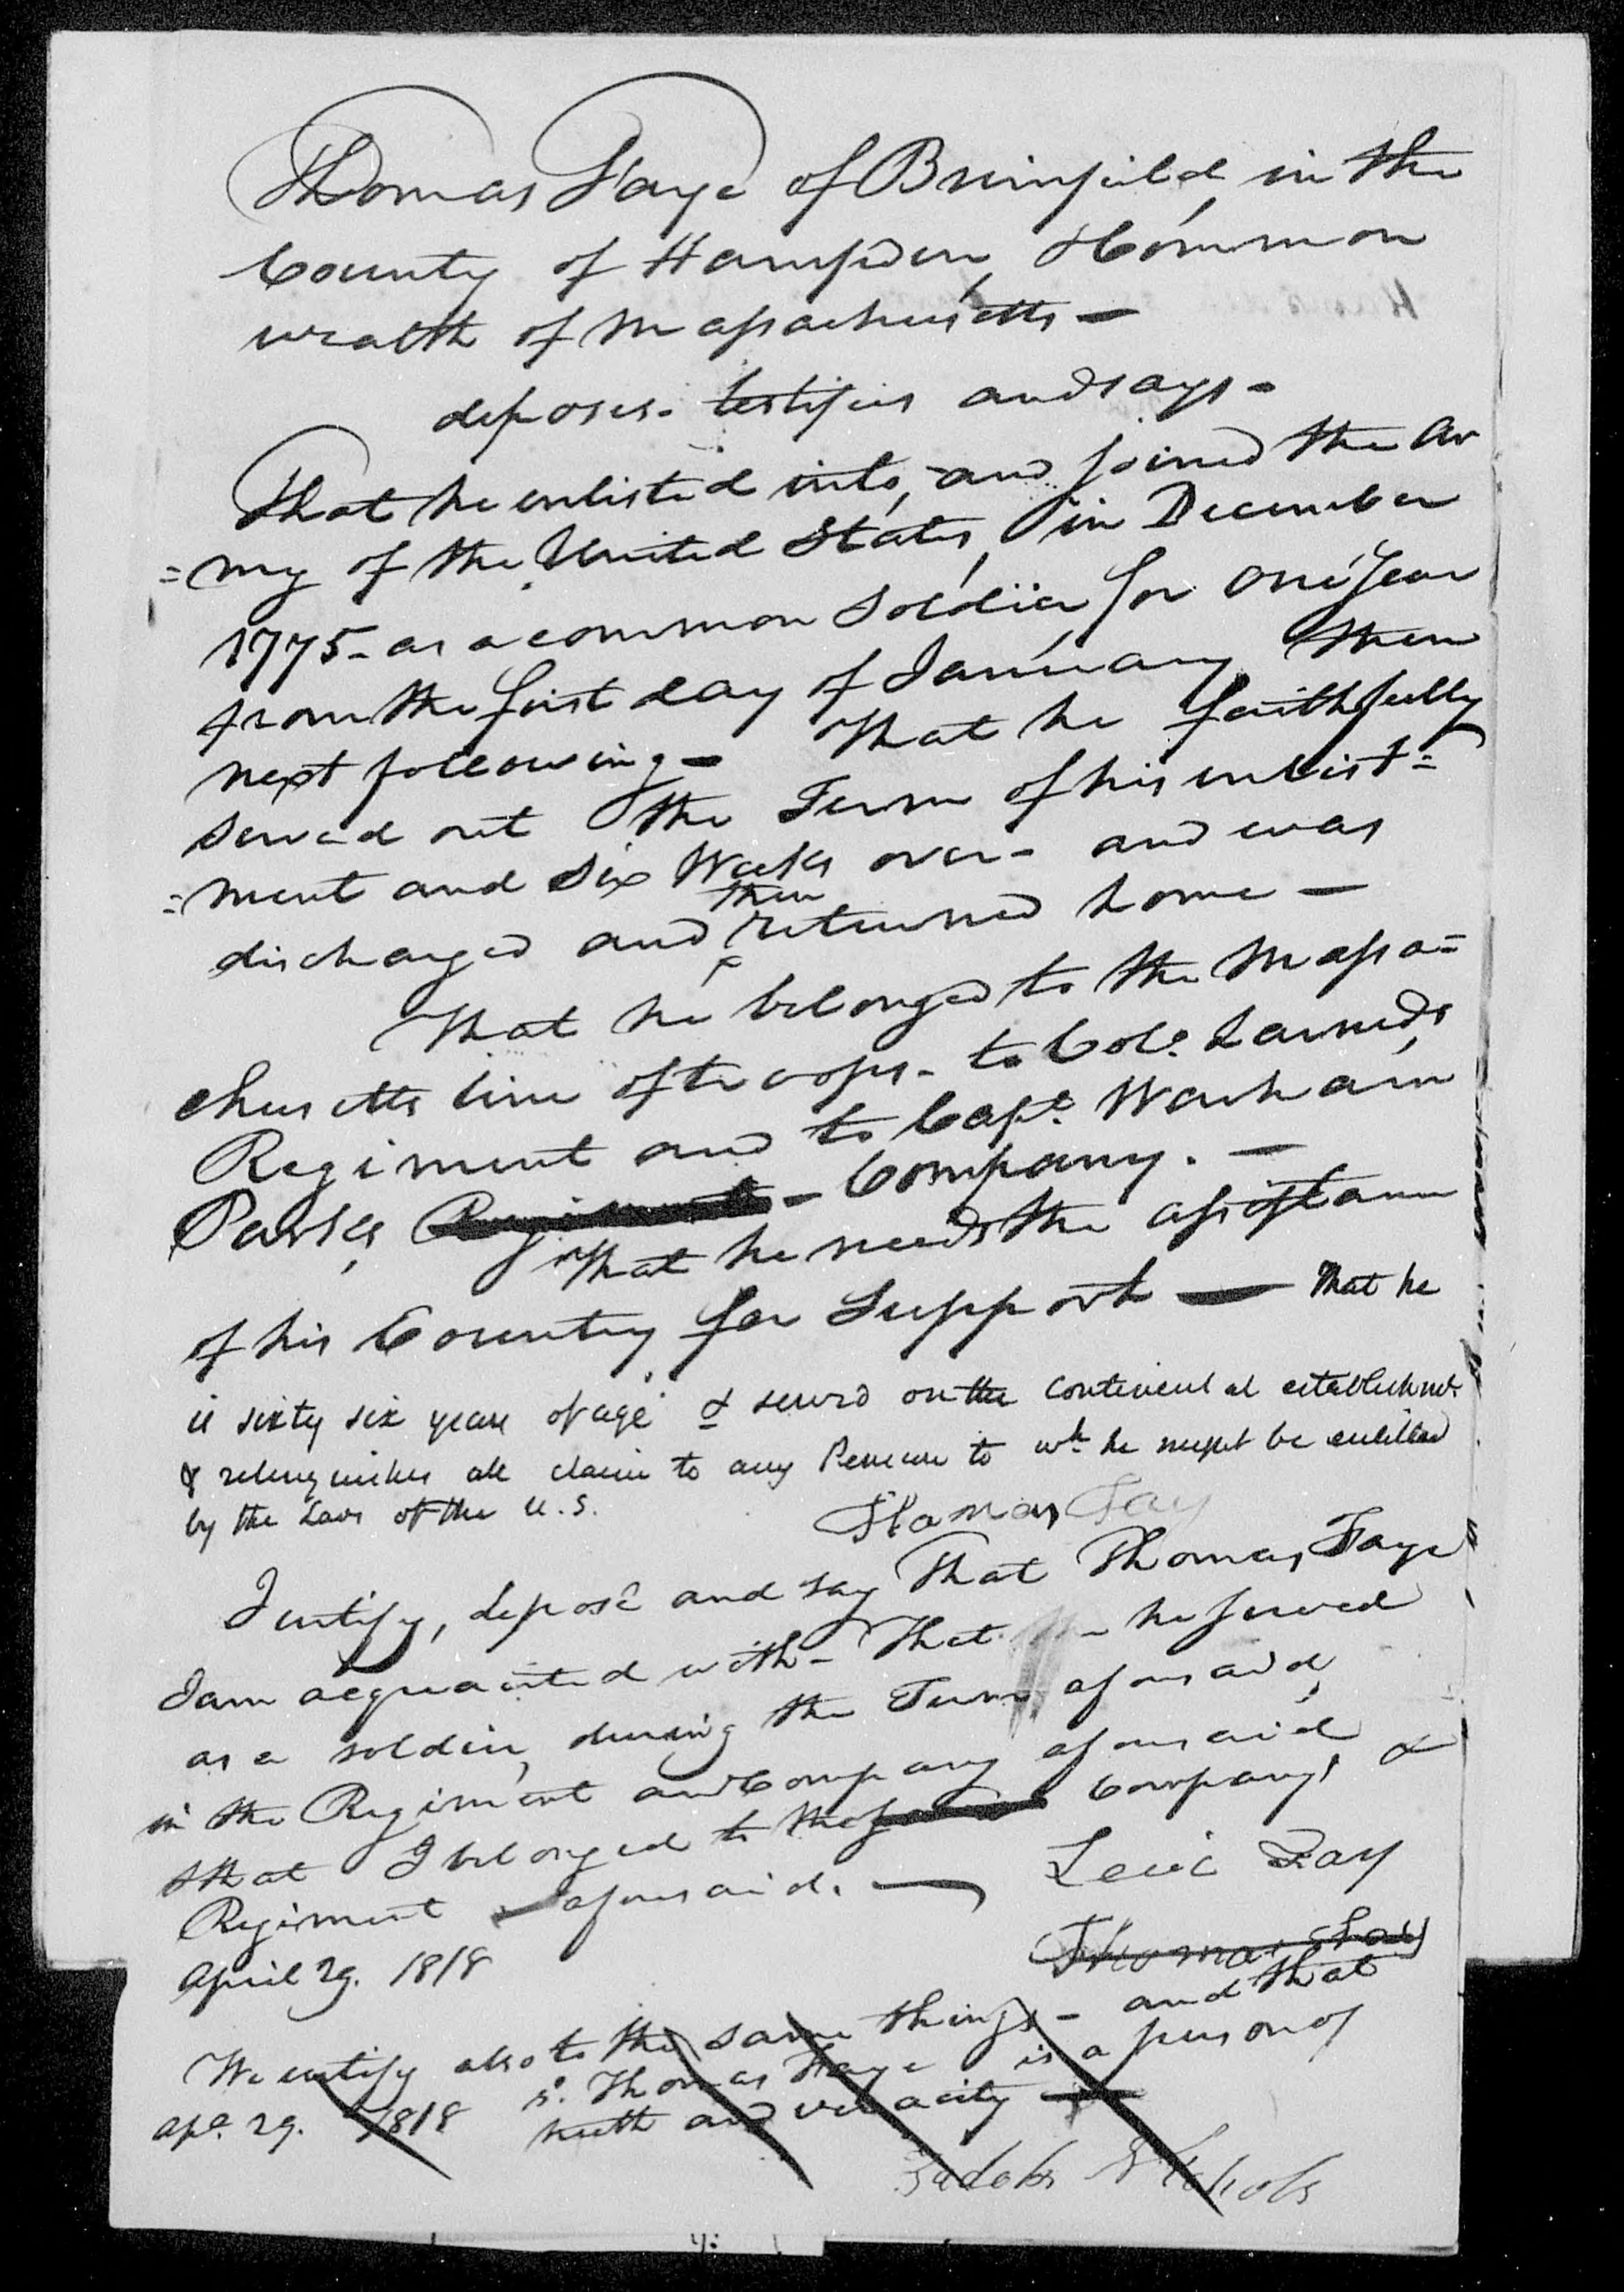Thomas Faye of Brimfield in the
County of Hampden, Commonwealth of Massachusetts deposes -
testifies and says - 
That he enlisted into, and joined the army
of the United States, in December
1775 as a common soldier for one year
from the first day of January
then next following - That he faithfully served
out the term of his enlistment and six weeks over - and was
discharged and thus returned home -
That he belonged to the Massachusetts line of troops to Col. Larneds Regiment and to Capt Warham Parkes Company. -
That he needs the assistance of his Country for support  - That he
sixty six years of age & served on the continental establishment
& relinquishes all claim to any pension to wh he might be entitled
by the Laws of the U.S.
Thomas Fay
Justify, depose and say that Thomas Faye
I am acquainted with -  That he served
as a soldier during the Term aforesaid
in the Regiment and Company aforesaid
That I belonged to the Company & 
Regiment aforesaid.
Levi Fay
April 29. 1818
We certify also to the same things - and that Thomas Faye is a person of truth and veracity
Apl 29. 1818  Zadok Nichols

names: Thomas Fay, Zadok Nichols, Thomas Fay, Thomas Fay, Thomas Fay, Thomas Fay, Levi Fay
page: 4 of 31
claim: survivor's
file: S. 34,839, Thomas Fay, Mass.